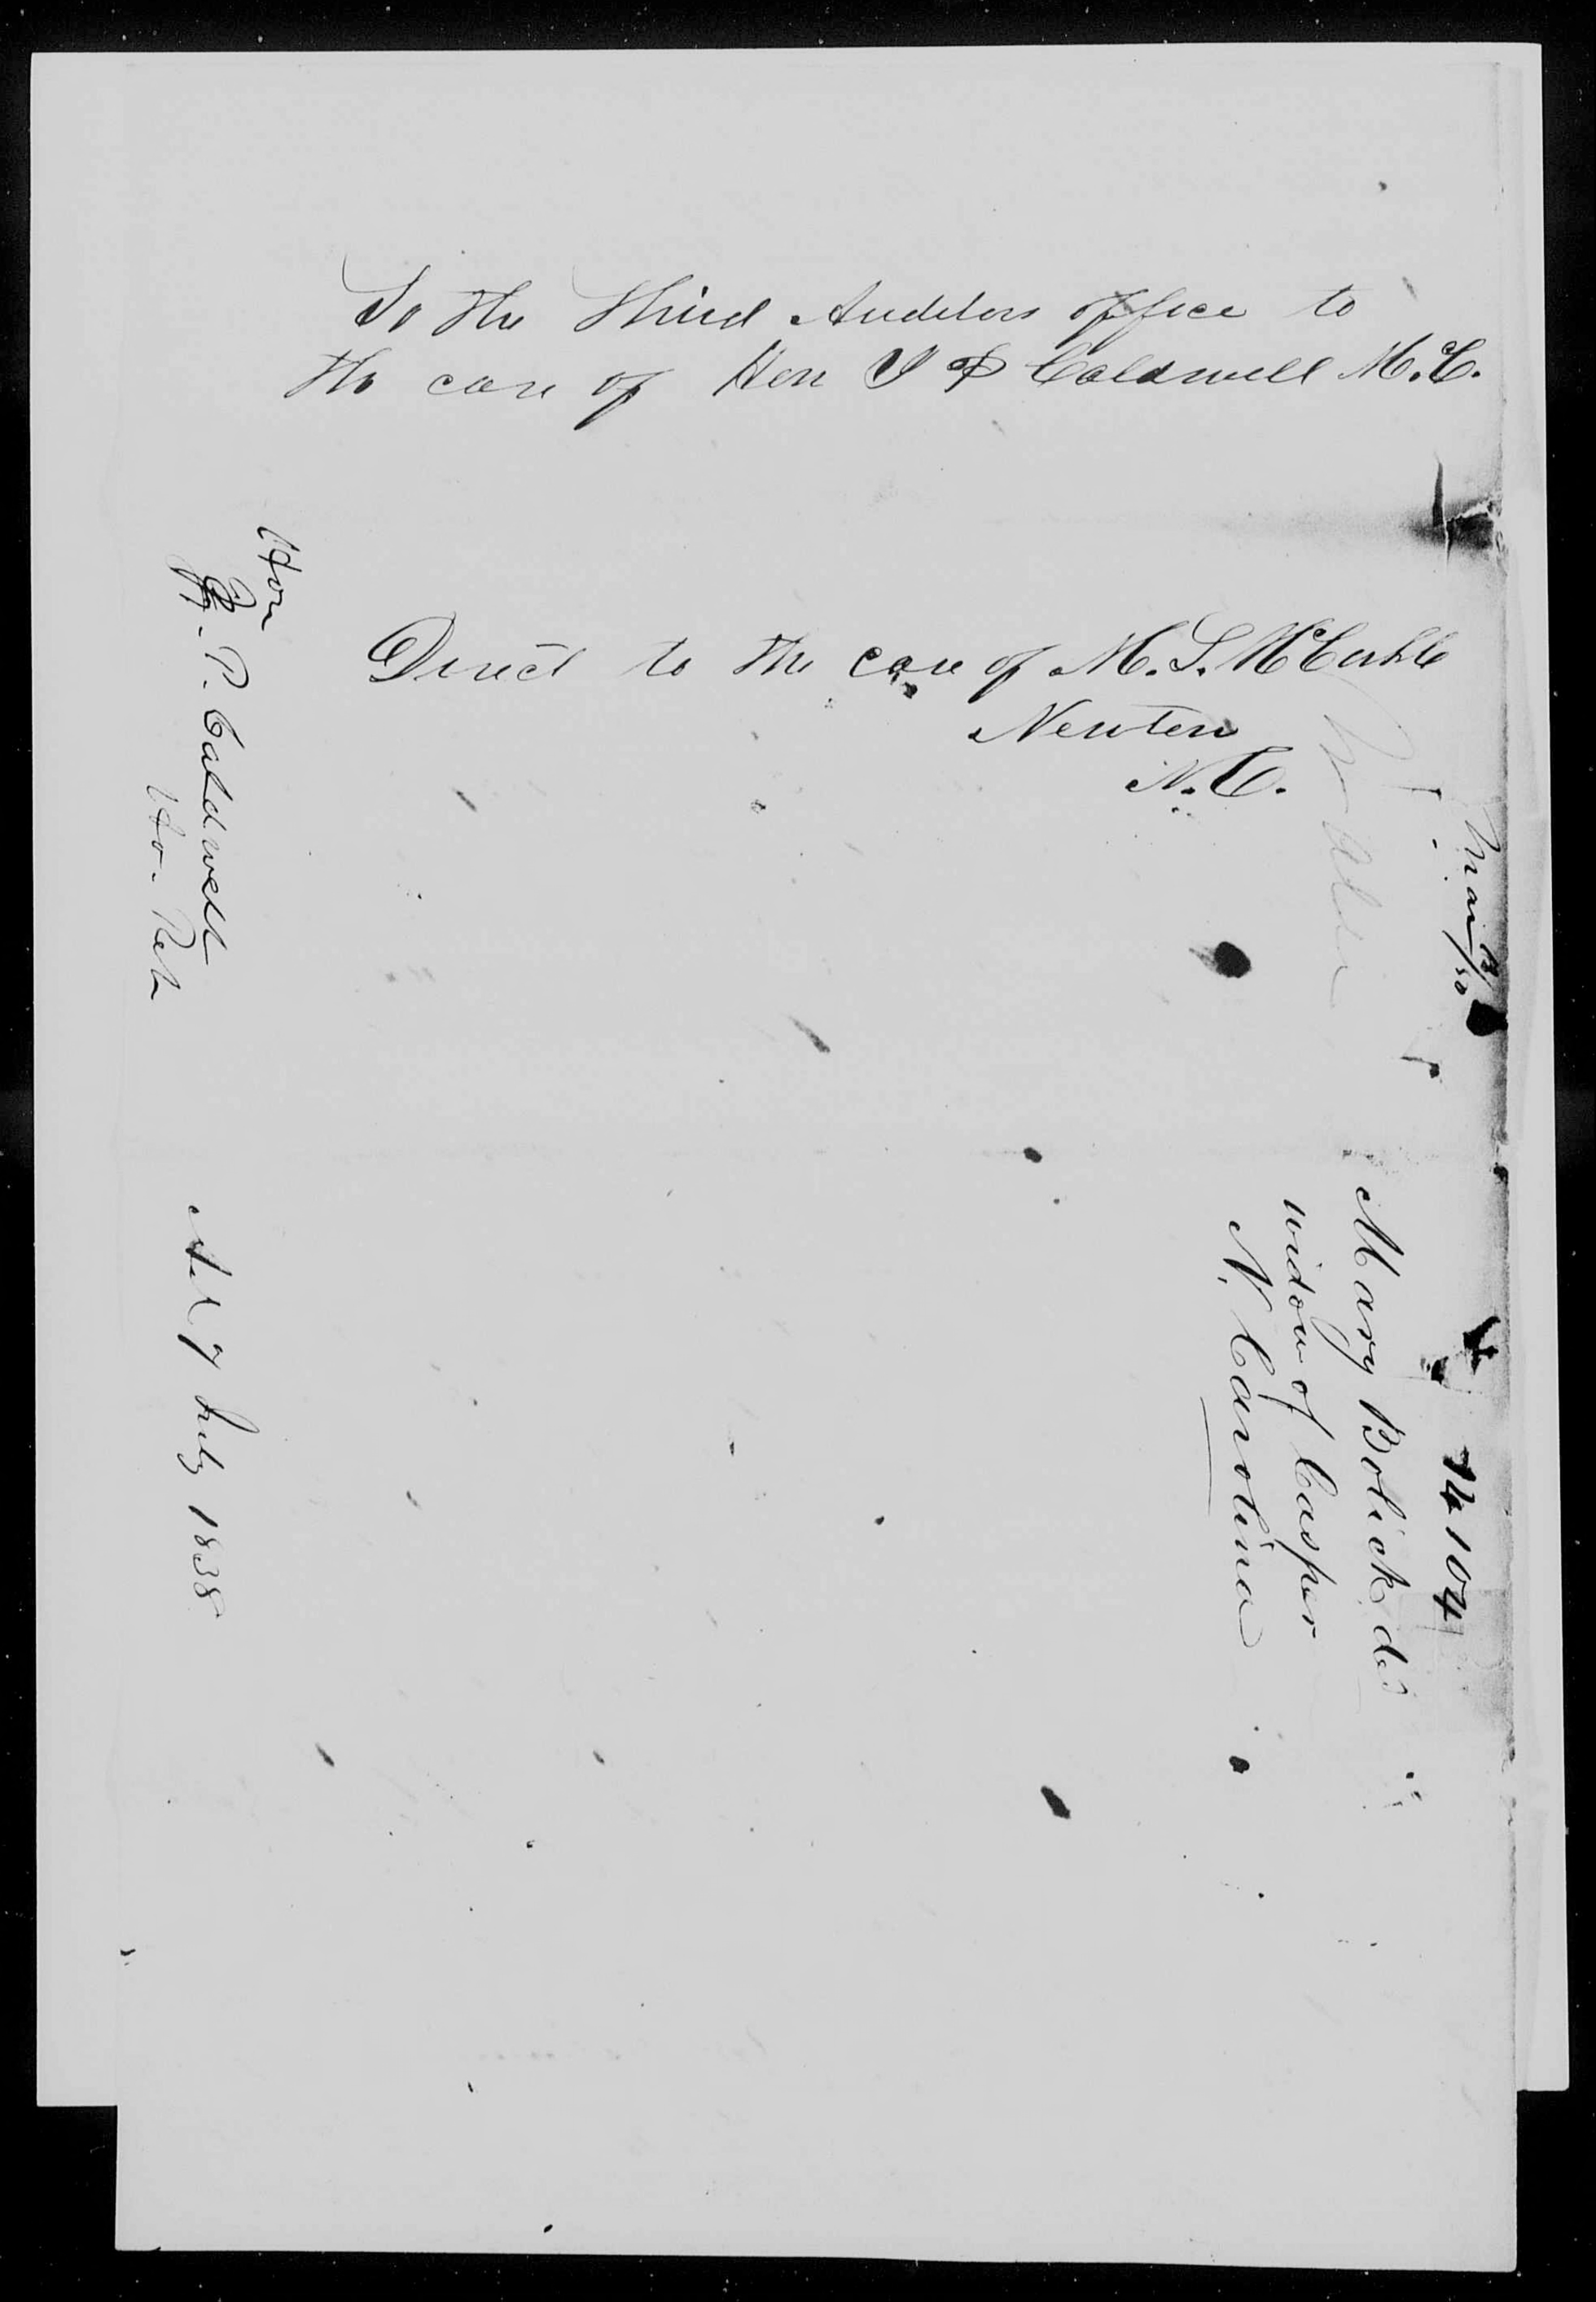To the third Auditors office to the case of Hon. J. P. Caldwell N.C. 

Direct to the case of M. L. McCorkle
Newton N. C. 

74104
Mary Bolick dec'd
widow of Casper 
N. Carolina

Hon. R. P. Caldwell
Ho Rep.

Act 7 July 1838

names: Casper Bolick, J P Caldwell, M S Mc Corkle, Mary Bolick, J P Caldwell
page: 34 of 43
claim: widow's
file: W. 18,566, Casper Bolick, N.C.